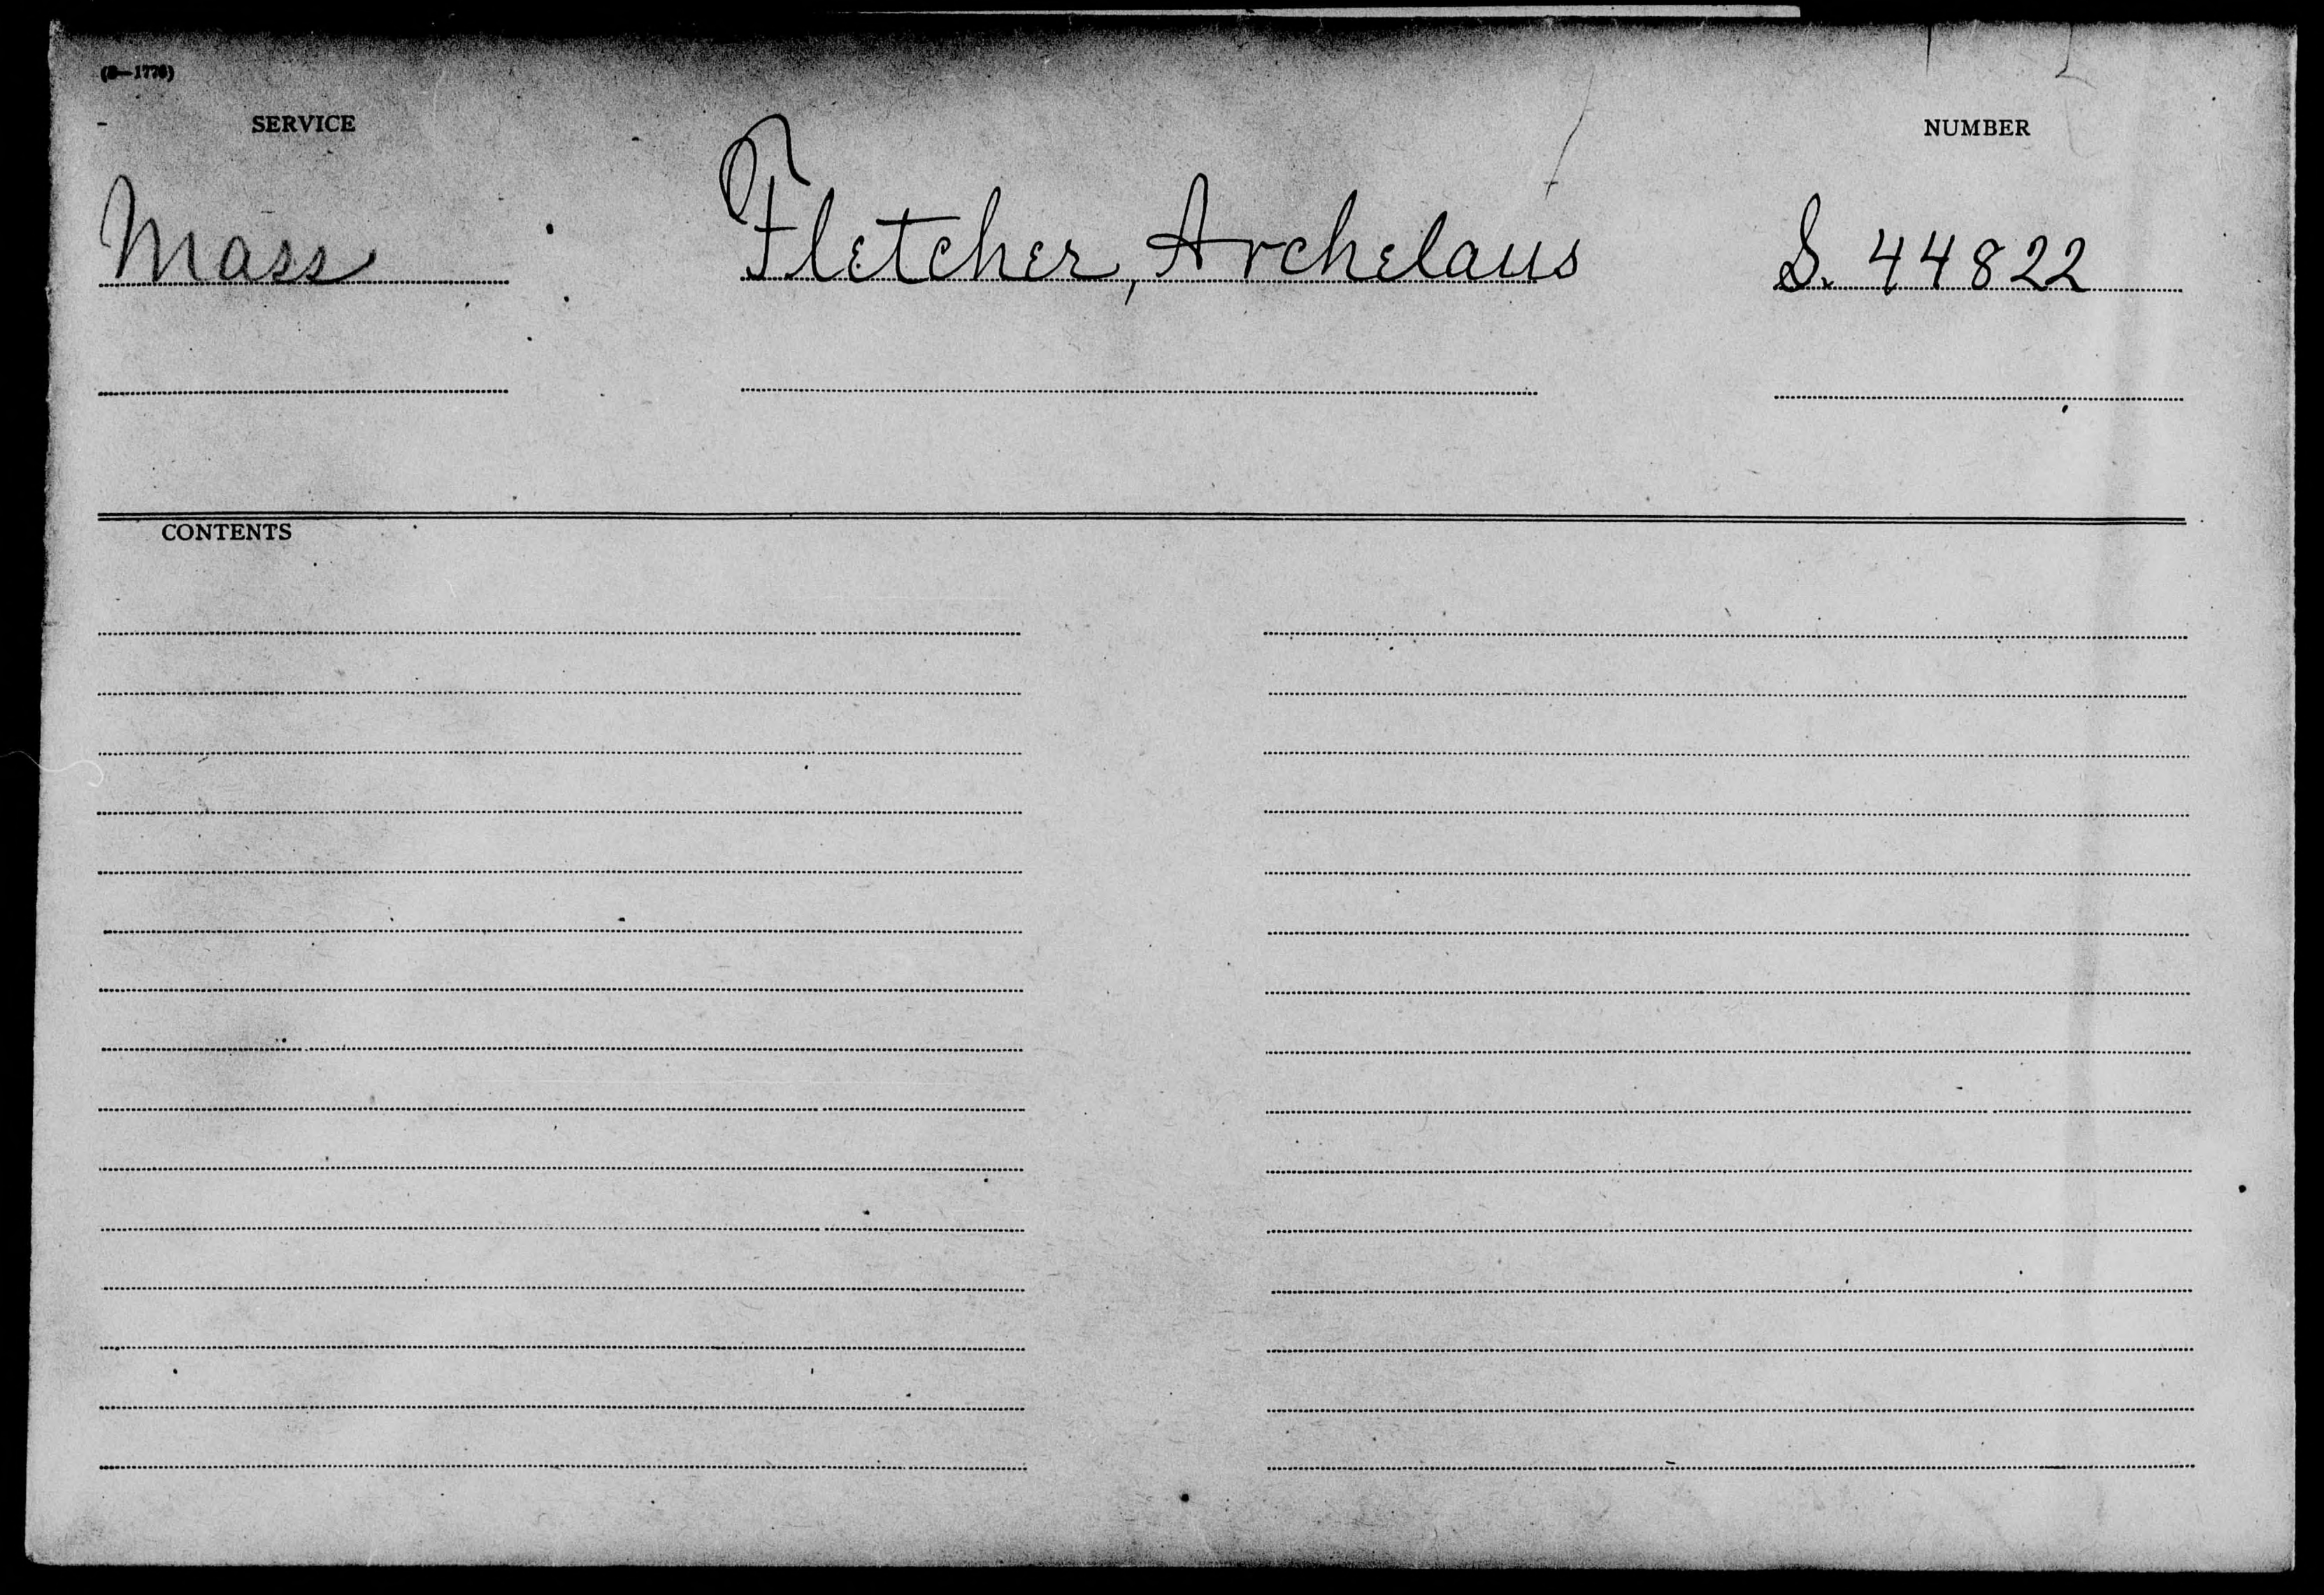Service
Mass

Fletcher, Archelaus

Number
S. 44822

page: 1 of 18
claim: survivor's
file: S. 44822, Archelaus Fletcher, Mass.